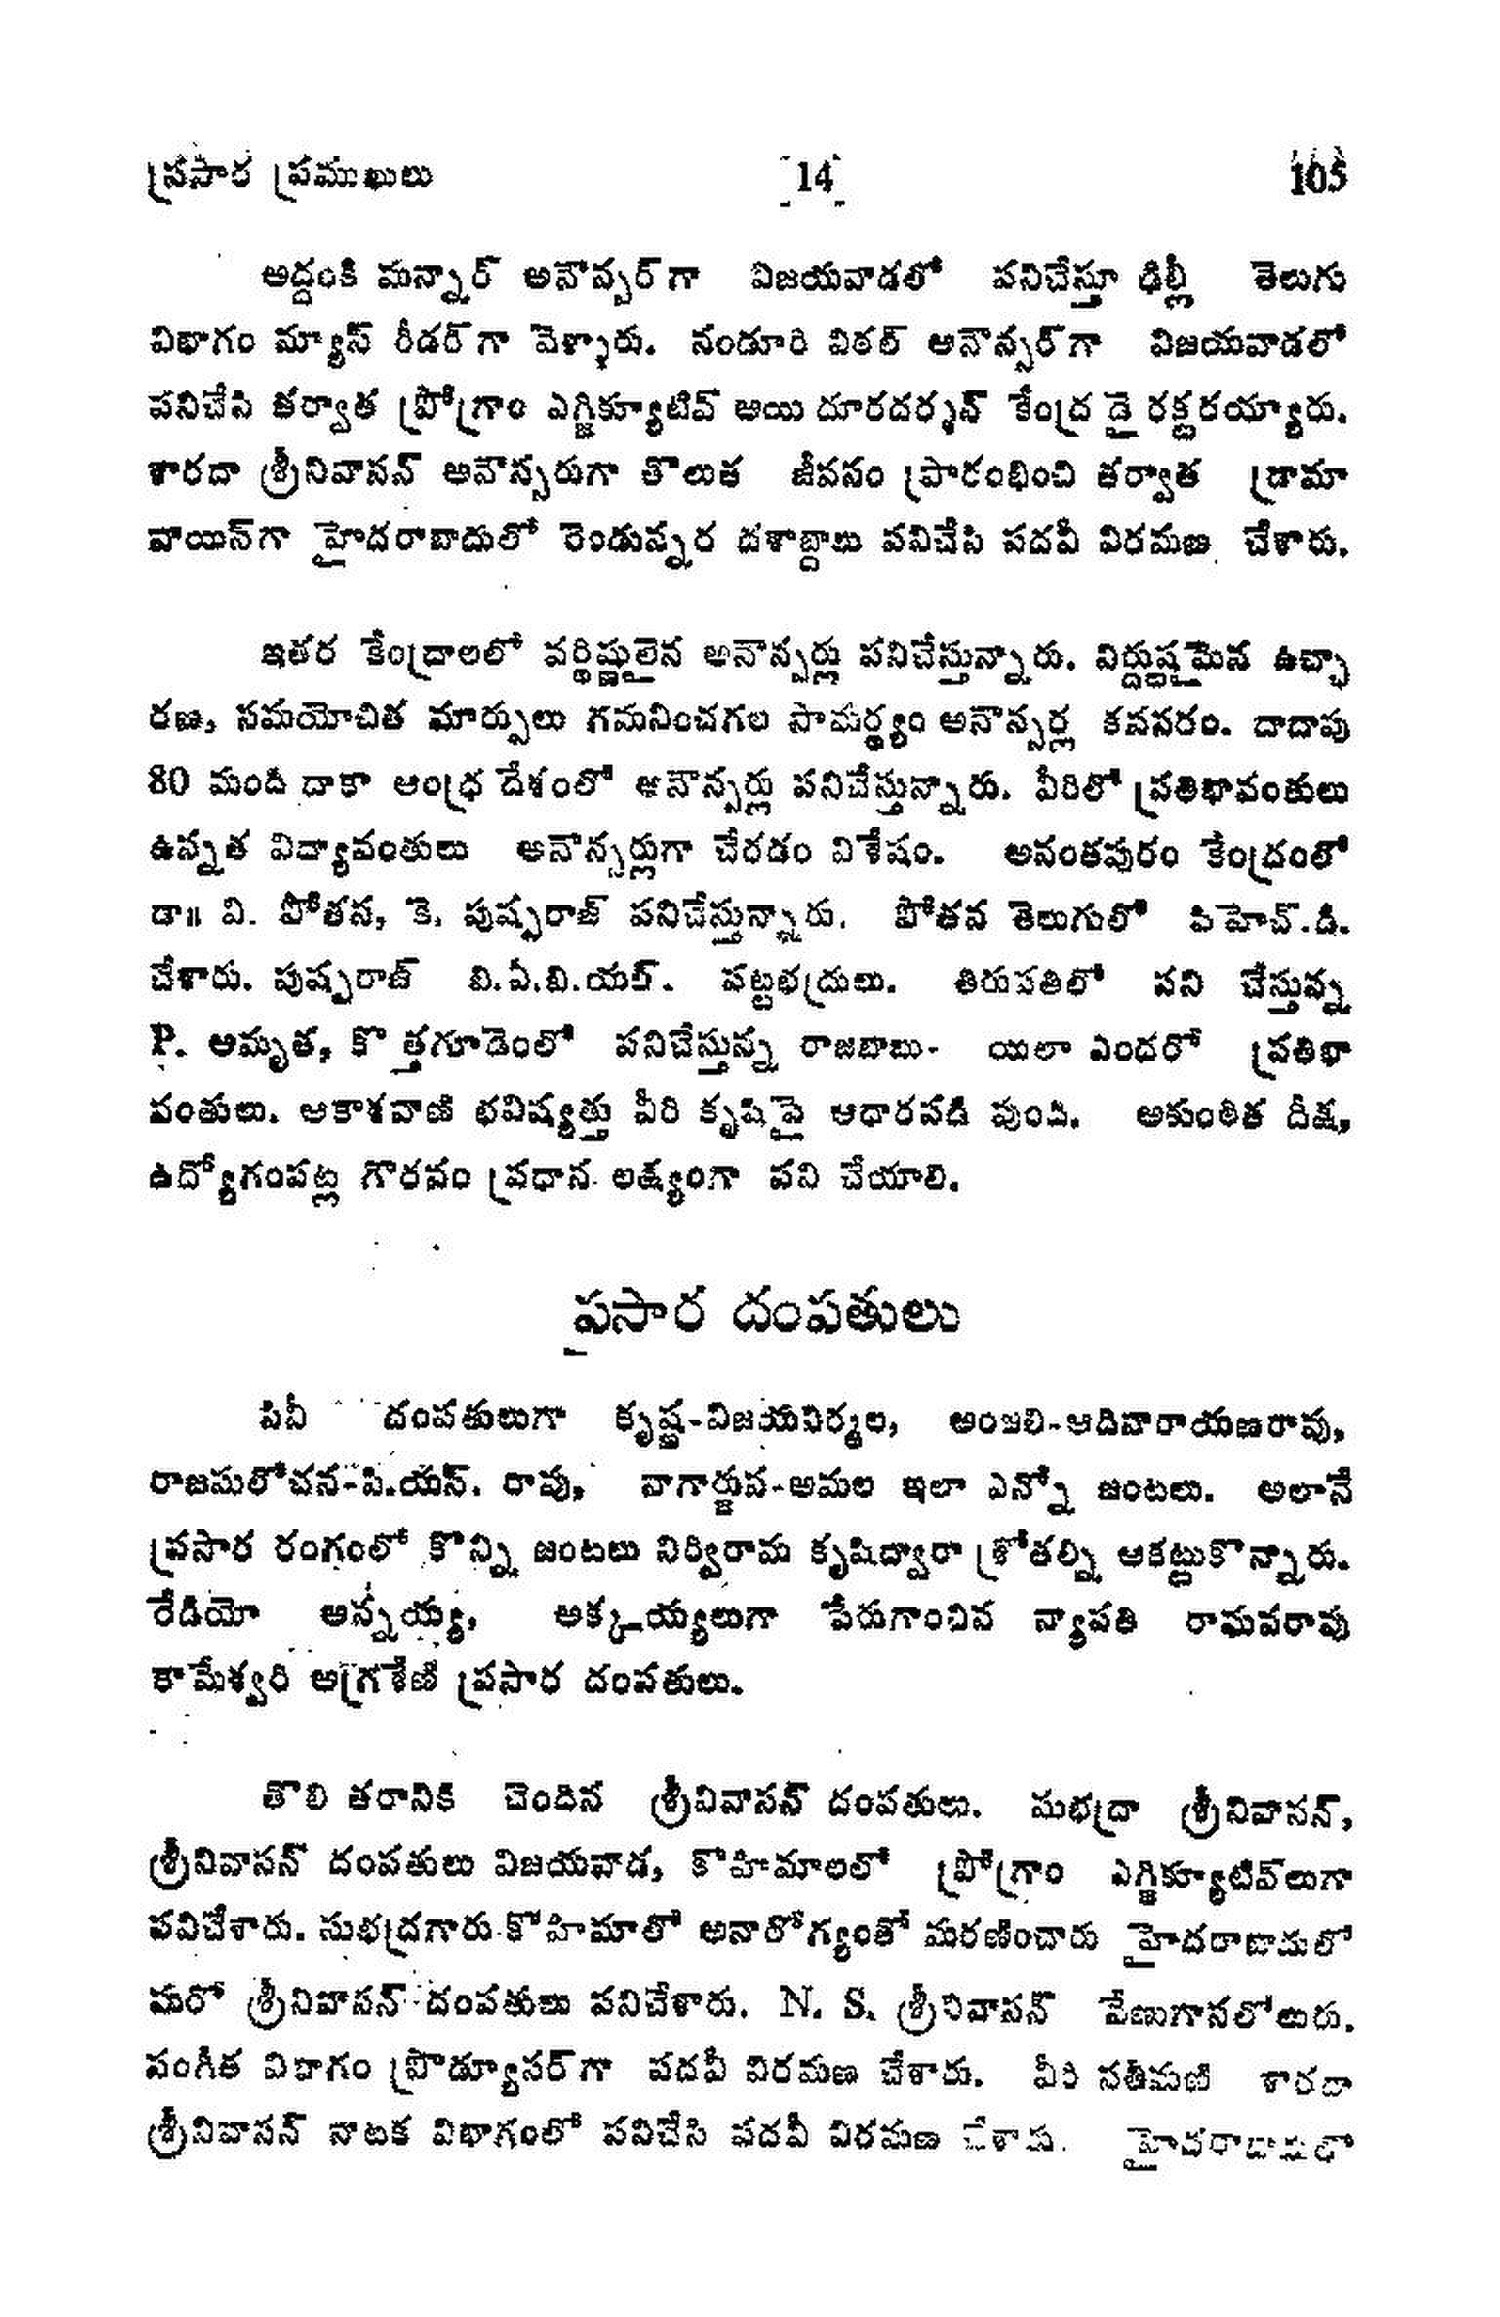అద్దంకి మన్నార్ అనౌన్సర్‌గా విజయవాడలో పనిచేస్తూ డిల్లీ తెలుగు విభాగం న్యూస్ రీడర్‌గా వెళ్ళారు. నండూరి విఠల్ అనౌన్సర్‌గా విజయవాడలో పనిచేసి తర్వాత ప్రోగ్రాం ఎగ్జిక్యూటివ్ అయి దూరదర్శన్ కేంద్ర డైరక్టరయ్యారు. శారదా శ్రీనివాసన్ అనౌన్సరుగా తొలుత జీవనం ప్రారంభించి తర్వాత డ్రామా వాయిస్‌గా హైదరాబాదులో రెండున్నర దశాబ్దాలు పనిచేసి పదవీ విరమణ చేశారు.

ఇతర కేంద్రాలలో వర్దిష్టులైన అనౌన్సర్లు పనిచేస్తున్నారు. నిర్దుష్టమైన ఉచ్చారణ, సమయోచిత మార్పులు గమనించగల సామర్థ్యం అనౌన్సర్ల కవసరం. దాదాపు 80 మంది దాకా ఆంధ్రదేశంలో అనౌన్సర్లు పనిచేస్తున్నారు. వీరిలో ప్రతిభావంతులు ఉన్నత విద్యావంతులు అనౌన్సర్లుగా చేరడం విశేషం. అనంతపురం కేంద్రంలో డా. వి. పోతన, కె. పుష్పరాజ్ పనిచేస్తున్నారు. పోతన తెలుగులో పిహెచ్.డి. చేశారు. పుష్పరాజ్ బి. ఏ. బి. ఎల్. పట్టభద్రులు. తిరుపతిలో పని చేస్తున్న P. అమృత, కొత్తగూడెంలో పనిచేస్తున్న రాజబాబు. యిలా ఎందరో ప్రతిభావంతులు. ఆకాశవాణి భవిష్యత్తు వీరి కృషిపై ఆధారపడి వుంది. అకుంఠిత దీక్ష, ఉద్యోగంపట్ల గౌరవం ప్రధాన లక్ష్యంగా పని చేయాలి.

సినీ దంపతులుగా కృష్ణ-విజయనిర్మల, అంజలి-ఆదినారాయణరావు, రాజసులోచన-సి.యస్.రావు, నాగార్జున-అమల ఇలా ఎన్నో జంటలు. అలానే ప్రసార రంగంలో కొన్ని జంటలు నిర్విరామ కృషిద్వారా శ్రోతల్ని ఆకట్టుకొన్నారు. రేడియో అన్నయ్య, అక్కయ్యలుగా పేరుగాంచిన న్యాపతి రాఘవరావు కామేశ్వరి అగ్రశ్రేణి ప్రసార దంపతులు.

తొలి తరానికి చెందిన శ్రీనివాసన్ దంపతులు, సుభద్రా శ్రీనివాసన్, శ్రీనివాసన్ దంపతులు విజయవాడ, కోహిమాలలో ప్రోగ్రాం ఎగ్జిక్యూటివ్‌లుగా పనిచేశారు. సుభద్రగారు కోహిమాలో అనారోగ్యంతో మరణించారు. హైదరాబాదులో మరో శ్రీనివాసన్ దంపతులు పనిచేశారు. N. S. శ్రీనివాసన్ వేణుగానలోలురు. సంగీత విభాగం ప్రొడ్యూసర్ గా పదవీ విరమణ చేశారు. వీరి సతీమణి శారదా శ్రీనివాసన్ నాటక విభాగంలో పనిచేసి పదవీ విరమణ చేశారు. హైదరాబాదులో